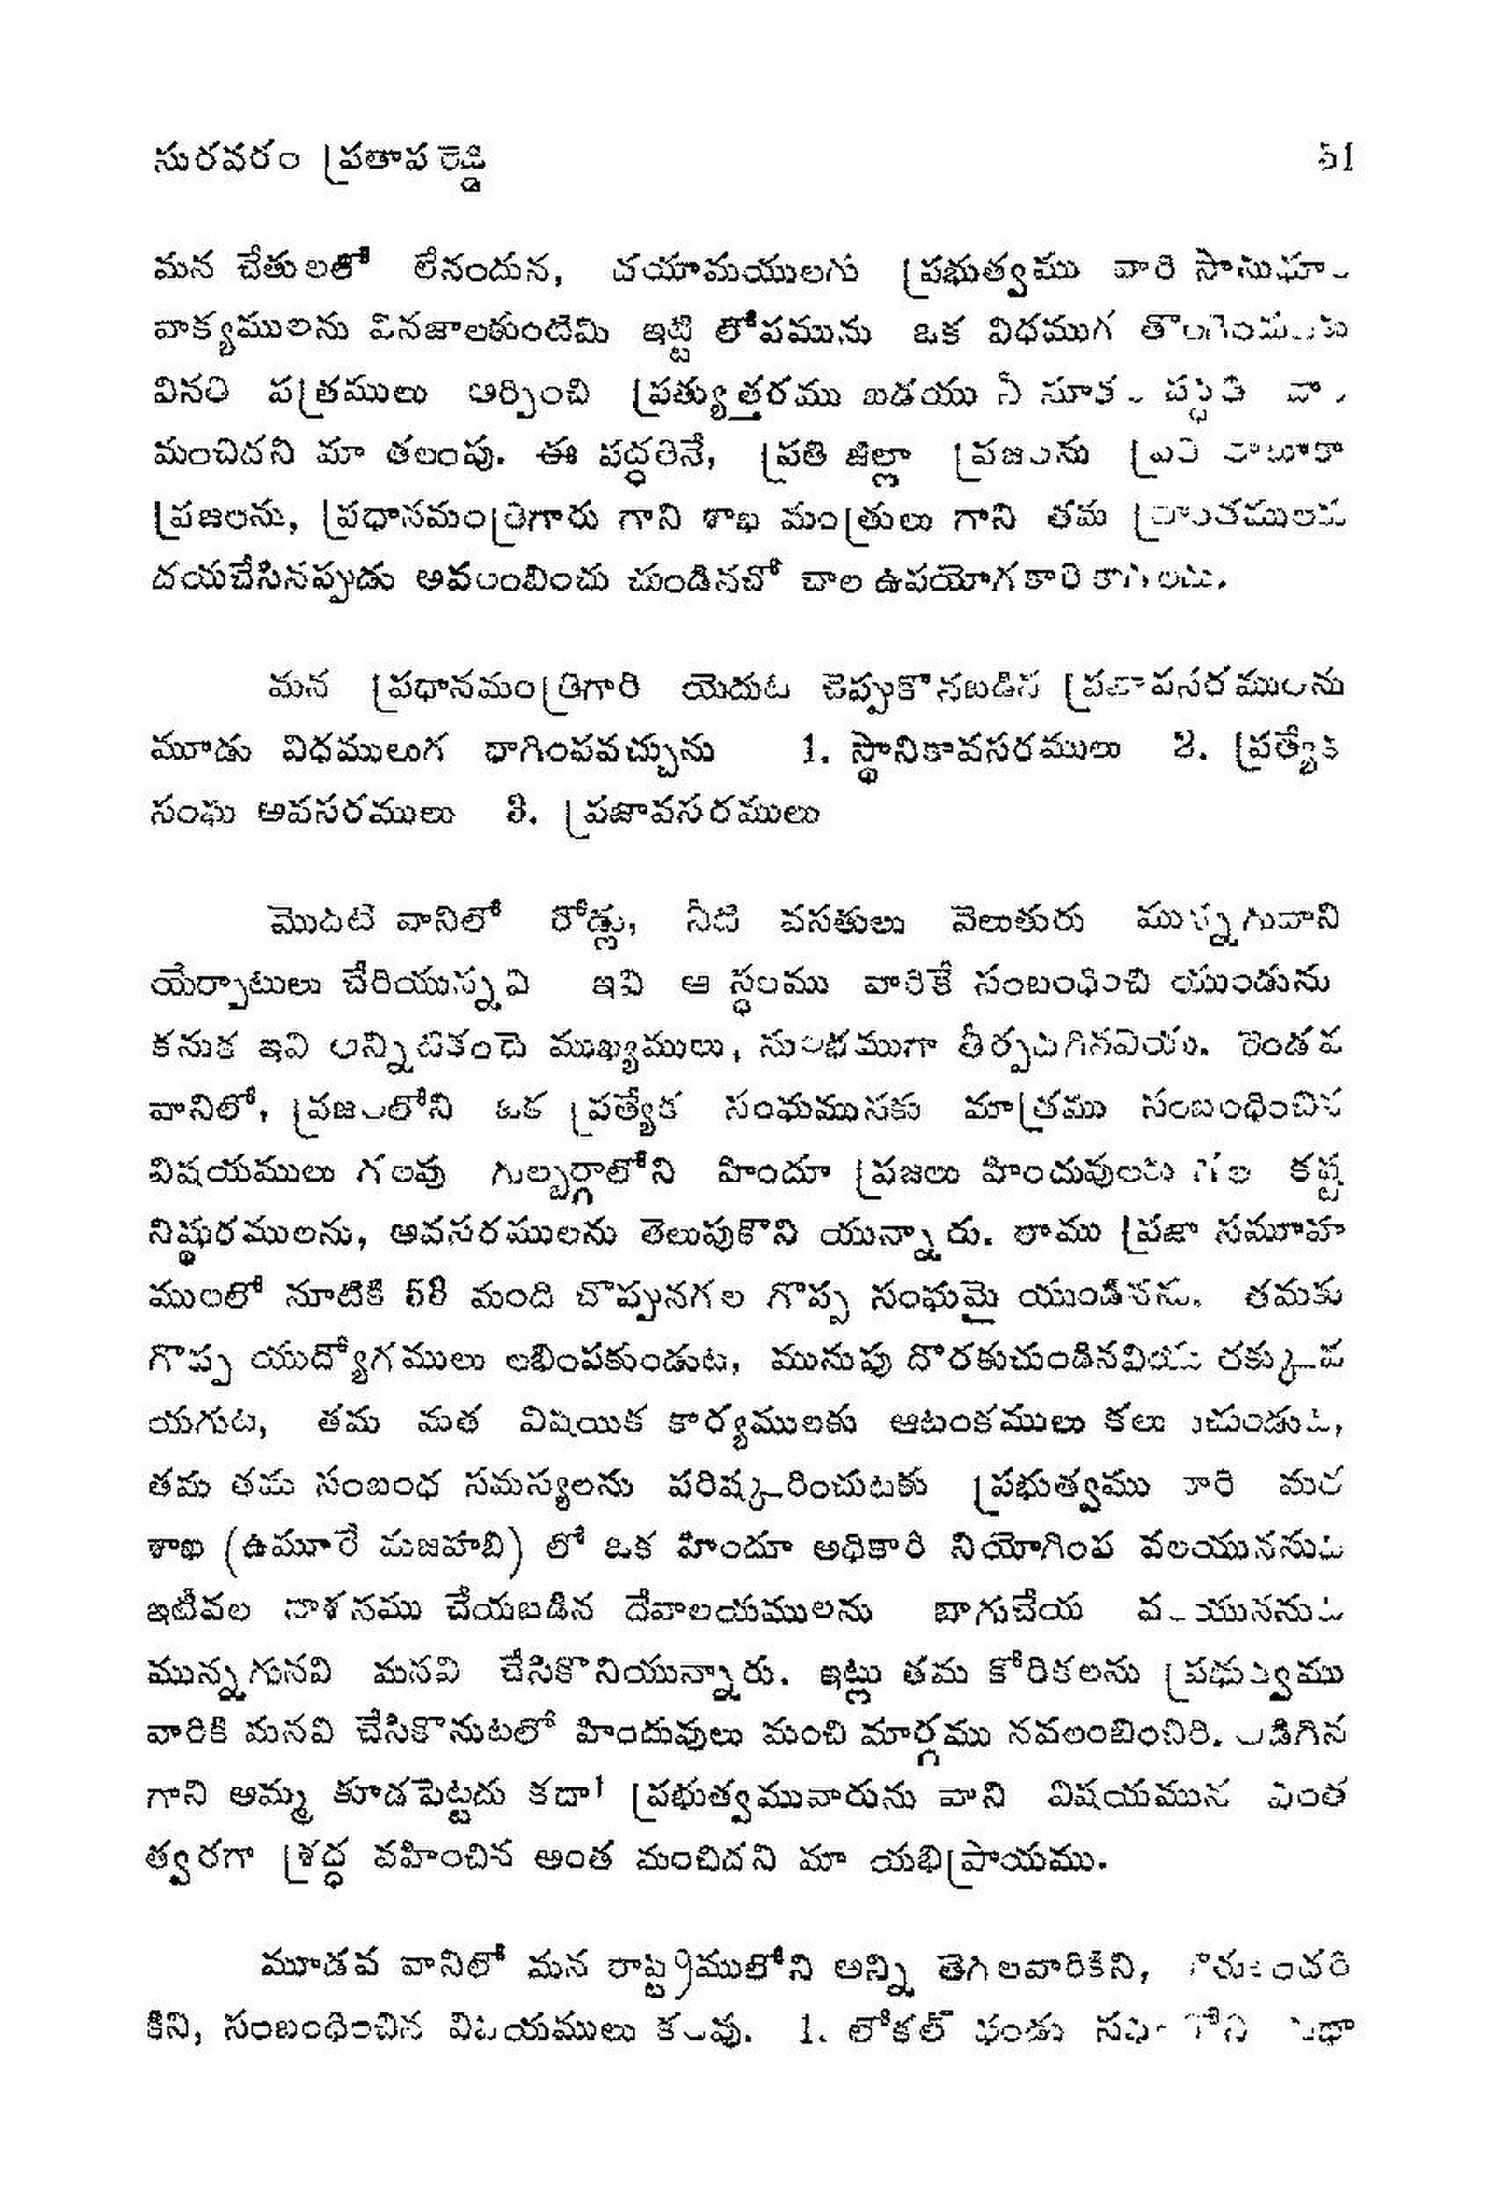మన చేతులలో లేనందున, దయామయులగు ప్రభుత్వము వారి సానుభూత వాక్యములను వినజాలకుంటిమి ఇట్టి లోపమును ఒక విధముగ తొలగించుటకు వినతి పత్రములు అర్పించి ప్రత్యుత్తరము బడయు నీ నూతన పద్ధతి చాల
మంచిదని మా తలంపు. ఈ పద్ధతినే, ప్రతి జిల్లా ప్రజలను ప్రతి తాలూకా ప్రజలను, ప్రధానమంత్రిగారు గాని శాఖ మంత్రులు గాని తమ ప్రాంతములకు దయచేసినప్పుడు అవలంబించు చుండినచో చాల ఉపయోగకారి కాగలదు.

మన ప్రధానమంత్రిగారి యెదుట చెప్పుకొనబడిన ప్రజావసరములను మూడు విధములుగ భాగింపవచ్చును 1. స్థానికావసరములు 2. ప్రత్యేక సంఘ అవసరములు 3. ప్రజావసరములు

మొదటి వానిలో రోడ్లు, నీటి వసతులు వెలుతురు మున్నగువాని యేర్పాటులు చేరియున్నవి ఇవి ఆ ఆ స్థలము వారికే సంబంధించి యుండును కనుక ఇవి అన్నిటికంటె ముఖ్యములు, సులభముగా తీర్పదిగినవియు. రెండవవానిలో, ప్రజలలోని ఒక ప్రత్యేక సంఘమునకు మాత్రము సంబంధించిన విషయములు గలపు గుల్బర్గాలోని హిందూ ప్రజలు హిందువులకు గల కష్ట నిష్ఠురములను, అవసరములను తెలుపుకొని యున్నారు. తాము ప్రజా సమూహములలో నూటికి 53 మంది చొప్పునగల గొప్ప సంఘమై యుండినను, తమకు గొప్ప యుద్యోగములు లభింపకుండుట, మునుపు దొరకుచుండినవియు తక్కువ యగుట, తమ మత విషయక కార్యములకు ఆటంకములు కలుగుచుండుట,
తమ తమ సంబంధ సమస్యలను పరిష్కరించుటకు ప్రభుత్వము వారి మత శాఖ (ఉమూరే మజహబి) లో ఒక హిందూ అధికారి నియోగింప వలయుననుట ఇటీవల నాశనము చేయబడిన దేవాలయములను బాగుచేయ వలయుననుట మున్నగునవి మనవి చేసికొనియున్నారు. ఇట్లు తమ కోరికలను ప్రభుత్వము వారికి మనవి చేసికొనుటలో హిందువులు మంచి మార్గము నవలంబించిరి. అడిగిన గాని అమ్మ కూడపెట్టదు కదా! ప్రభుత్వమువారును వాని విషయమున ఎంత త్వరగా శ్రద్ధ వహించిన అంత మంచిదని మా యభిప్రాయము.

మూడవ వానిలో మన రాష్ట్రములోని అన్ని తెగలవారికిని, అధికారులందరికిని, సంబంధించిన విషయములు కలవు. 1. లోకల్ ఫండు సభలలోని సభా